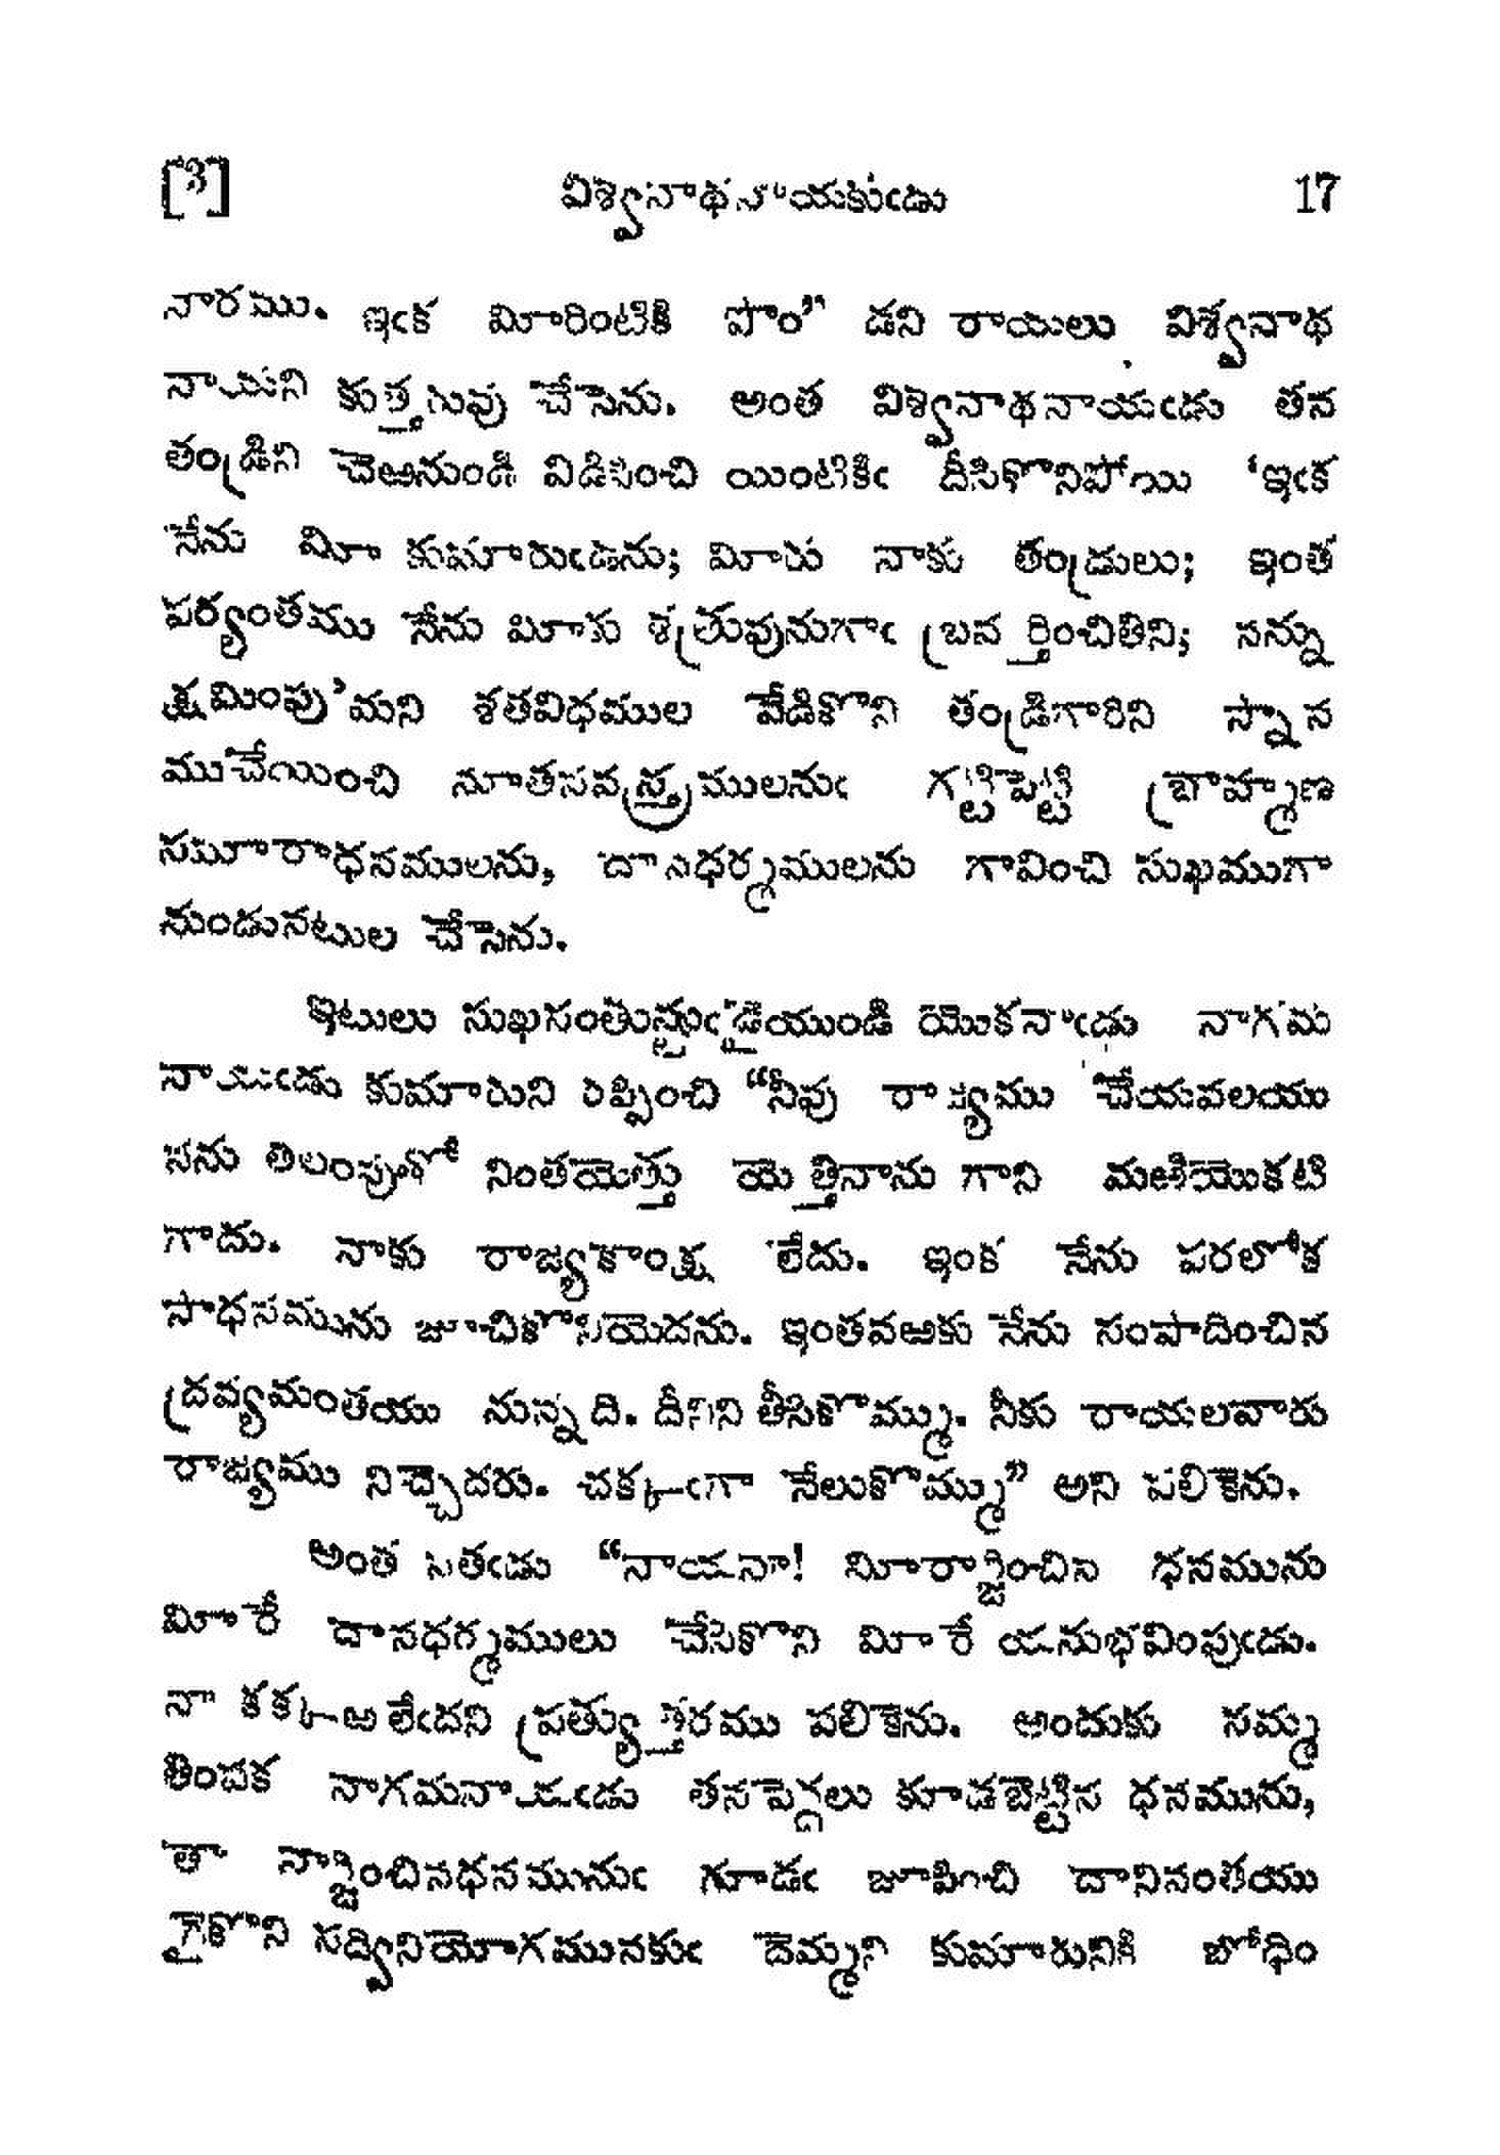నారము. ఇఁక మీరింటికి పొం" డని రాయలు విశ్వనాథనాయని కుత్తరువు చేసెను. అంత విశ్వనాథనాయఁడు తన తండ్రిని చెఱనుండి విడిపించి యింటికిఁ దీసికొనిపోయి 'ఇఁక నేను మీ కుమారుఁడను; మీరు నాకు తండ్రులు; ఇంత పర్యంతము నేను మీకు శత్రువునుగాఁ బ్రవర్తించితిని; నన్ను క్షమింపు'మని శతవిధముల వేడికొని తండ్రిగారిని స్నానముచేయించి నూతనవస్త్రములనుఁ గట్టిపెట్టి బ్రాహ్మణ సమారాధనములను, దానధర్మములను గావించి సుఖముగా నుండునటుల చేసెను.

ఇటులు సుఖసంతుష్టుఁడైయుండి యొకనాఁడు నాగమనాయఁడు కుమారుని రప్పించి "నీవు రాజ్యము చేయవలయునను తలంపుతో నింతయెత్తు యెత్తినాను గాని మఱియొకటి గాదు. నాకు రాజ్యకాంక్ష లేదు. ఇంక నేను పరలోక సాధనమును జూచికొనియెదను. ఇంతవఱకు నేను సంపాదించిన ద్రవ్యమంతయు నున్నది. దీనిని తీసికొమ్ము. నీకు రాయలవారు రాజ్యము నిచ్చెదరు. చక్కఁగా నేలుకొమ్ము" అని పలికెను.

అంత నతఁడు "నాయనా! మీరార్జించిన ధనమును మీరే దానధర్మములు చేసికొని మీరే యనుభవింపుఁడు. నా కక్కఱలేఁదని ప్రత్యుత్తరము పలికెను. అందుకు సమ్మతింపక నాగమనాయఁడు తనపెద్దలు కూడబెట్టిన ధనమును, తా నార్జించినధనమునుఁ గూడఁ జూపించి దానినంతయు గైకొని సద్వినియోగమునకుఁ దెమ్మని కుమారునికి బోధిం